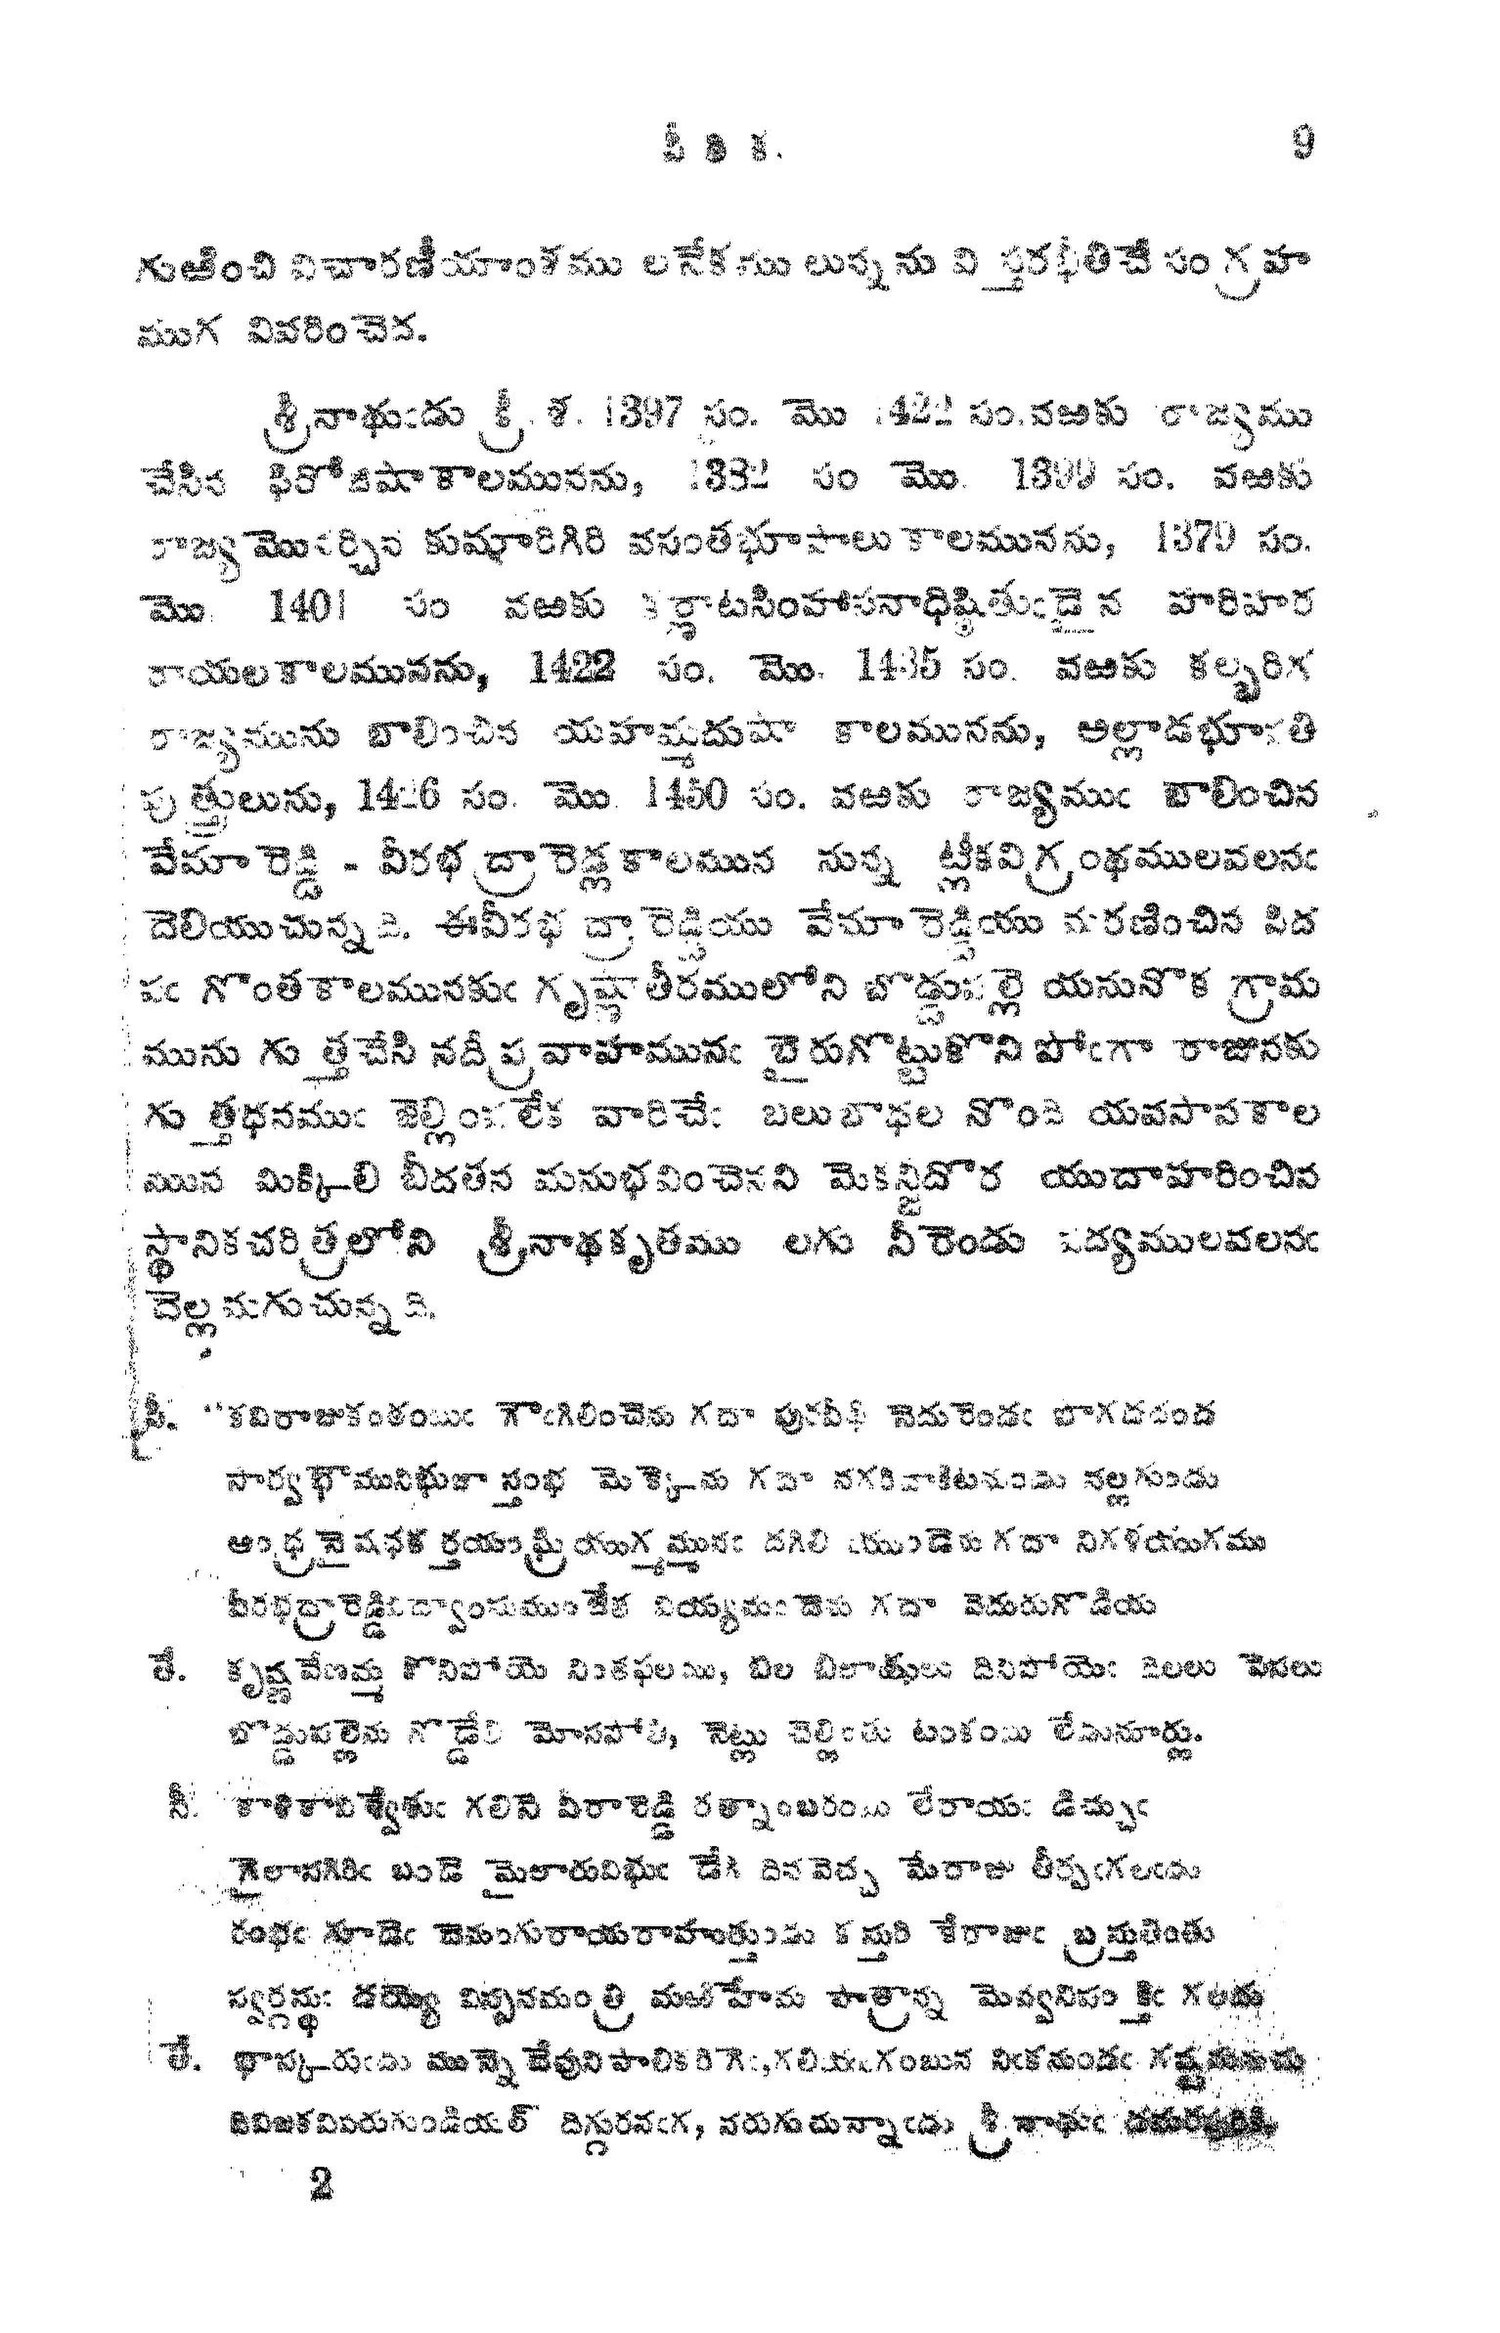గుఱించి విచారణీయాంశము లనేకము లున్నను విస్తరభీతీచే సంగ్రహముగ వివరించెద.

శ్రీనాథుఁడు శ్రీ శ. 1397 సం. మొ. 1422 సం. వఱకు రాజ్యము చేసిన ఫిరోజిషా కాలమునను 1382 సం. మొ. 1399 సం. వఱకు రాజ్యమొనర్చిన కుమారిగిరి వసంతభూపాలు కాలమునను, 1379 సం. మొ. 1401 సం. వఱకు కర్ణాటసింహాసనాధిష్ఠితుఁడైన హరిహరరాయల కాలమునను, 1422 సం. మొ. 1435 సం. వఱకు కల్బరిగ రాజ్యమును బాలించిన యహమ్మదుషా కాలమునను, అల్లాడభూపతి పుత్త్రులును, 1426 సం. మొ. 1450 సం. వఱకు రాజ్యముఁ బాలించిన వేమారెడ్డి - వీరభద్రారెడ్లకాలమున నున్న ట్లీకవిగ్రంథములవలనఁ దెలియుచున్నది. ఈవీరభద్రారెడ్డియు వేమారెడ్డియు మరణించిన పిదపఁ గొంతకాలమునకుఁ గృష్ణాతీరములోని బొడ్డుపల్లె యనునొక గ్రామమును గుత్తచేసి నదీప్రవాహమునఁ బైరుగొట్టుకొనిపోఁగా రాజునకు గుత్తధనముఁ జెల్లింపలేక వారిచేఁ బలుబాధల నొంది యవసానకాలమున మిక్కిలి బీదతన మనుభవించెనని మెకన్జీదొర యుదాహరించిన స్థానికచరిత్రలోని శ్రీనాథకృతము లగు నీరెండు పద్యములవలనఁ దెల్లమగుచున్నది. 

సీ. “కవిరాజుకంఠంబుఁ గౌఁగిలించెను గదా పురవీథి నెదురెండఁ పొగడదండ
 సార్వభౌమునిభుజాస్తంభ మెక్కెను గదా నగరివాకిటనుండు నల్లగుండు 
 ఆంధ్రనైషధకర్తయంఘ్రియుగ్మమ్మునఁ దగిలి యుండెను గదా నిగళయుగము
 వీరభద్రారెడ్డివిద్వాంసుముంజేత వియ్యమందెను గదా వెదురుగొడియ 

తే. కృష్ణవేణమ్మ కొనిపోయె నింతఫలము, బిల బిలాక్షులు దినిపోయెఁ దిలలు పెసలు
 బొడ్డుపల్లెను గొడ్డేరి మోసపోతి, నెట్లు చెల్లింతు టంకంబు లేడునూర్లు. 

సీ. కాశికావిశ్వేశుఁ గలిసె వీరారెడ్డి రత్నాంబరంబు లేరాయఁ డిచ్చుఁ
 గైలాసగిరిఁ బండె మైలారువిభుఁ డేగి దినవెచ్చ మేరాజు తీర్పఁగలఁడు 
 రంభఁ గూడెఁ దెనుంగురాయరాహుత్తుండు కస్తురి కేరాజుఁ బ్రస్తుతింతు 
 స్వర్గస్థుఁ డయ్యె విస్సనమంత్రి మఱి హేమపాత్రాన్న మెవ్వనిపంక్తిఁ గలదు 

తే. భాస్కరుఁడు మున్నె దేవునిపాలి కరిగెఁ, గలియుగంబున నిఁకనుండఁ గష్టమనుచు
 దివిజకవివరుగుండియల్ దిగ్గురనఁగ, నరుగుచున్నాఁడు శ్రీనాథుఁ డమరపురికి.